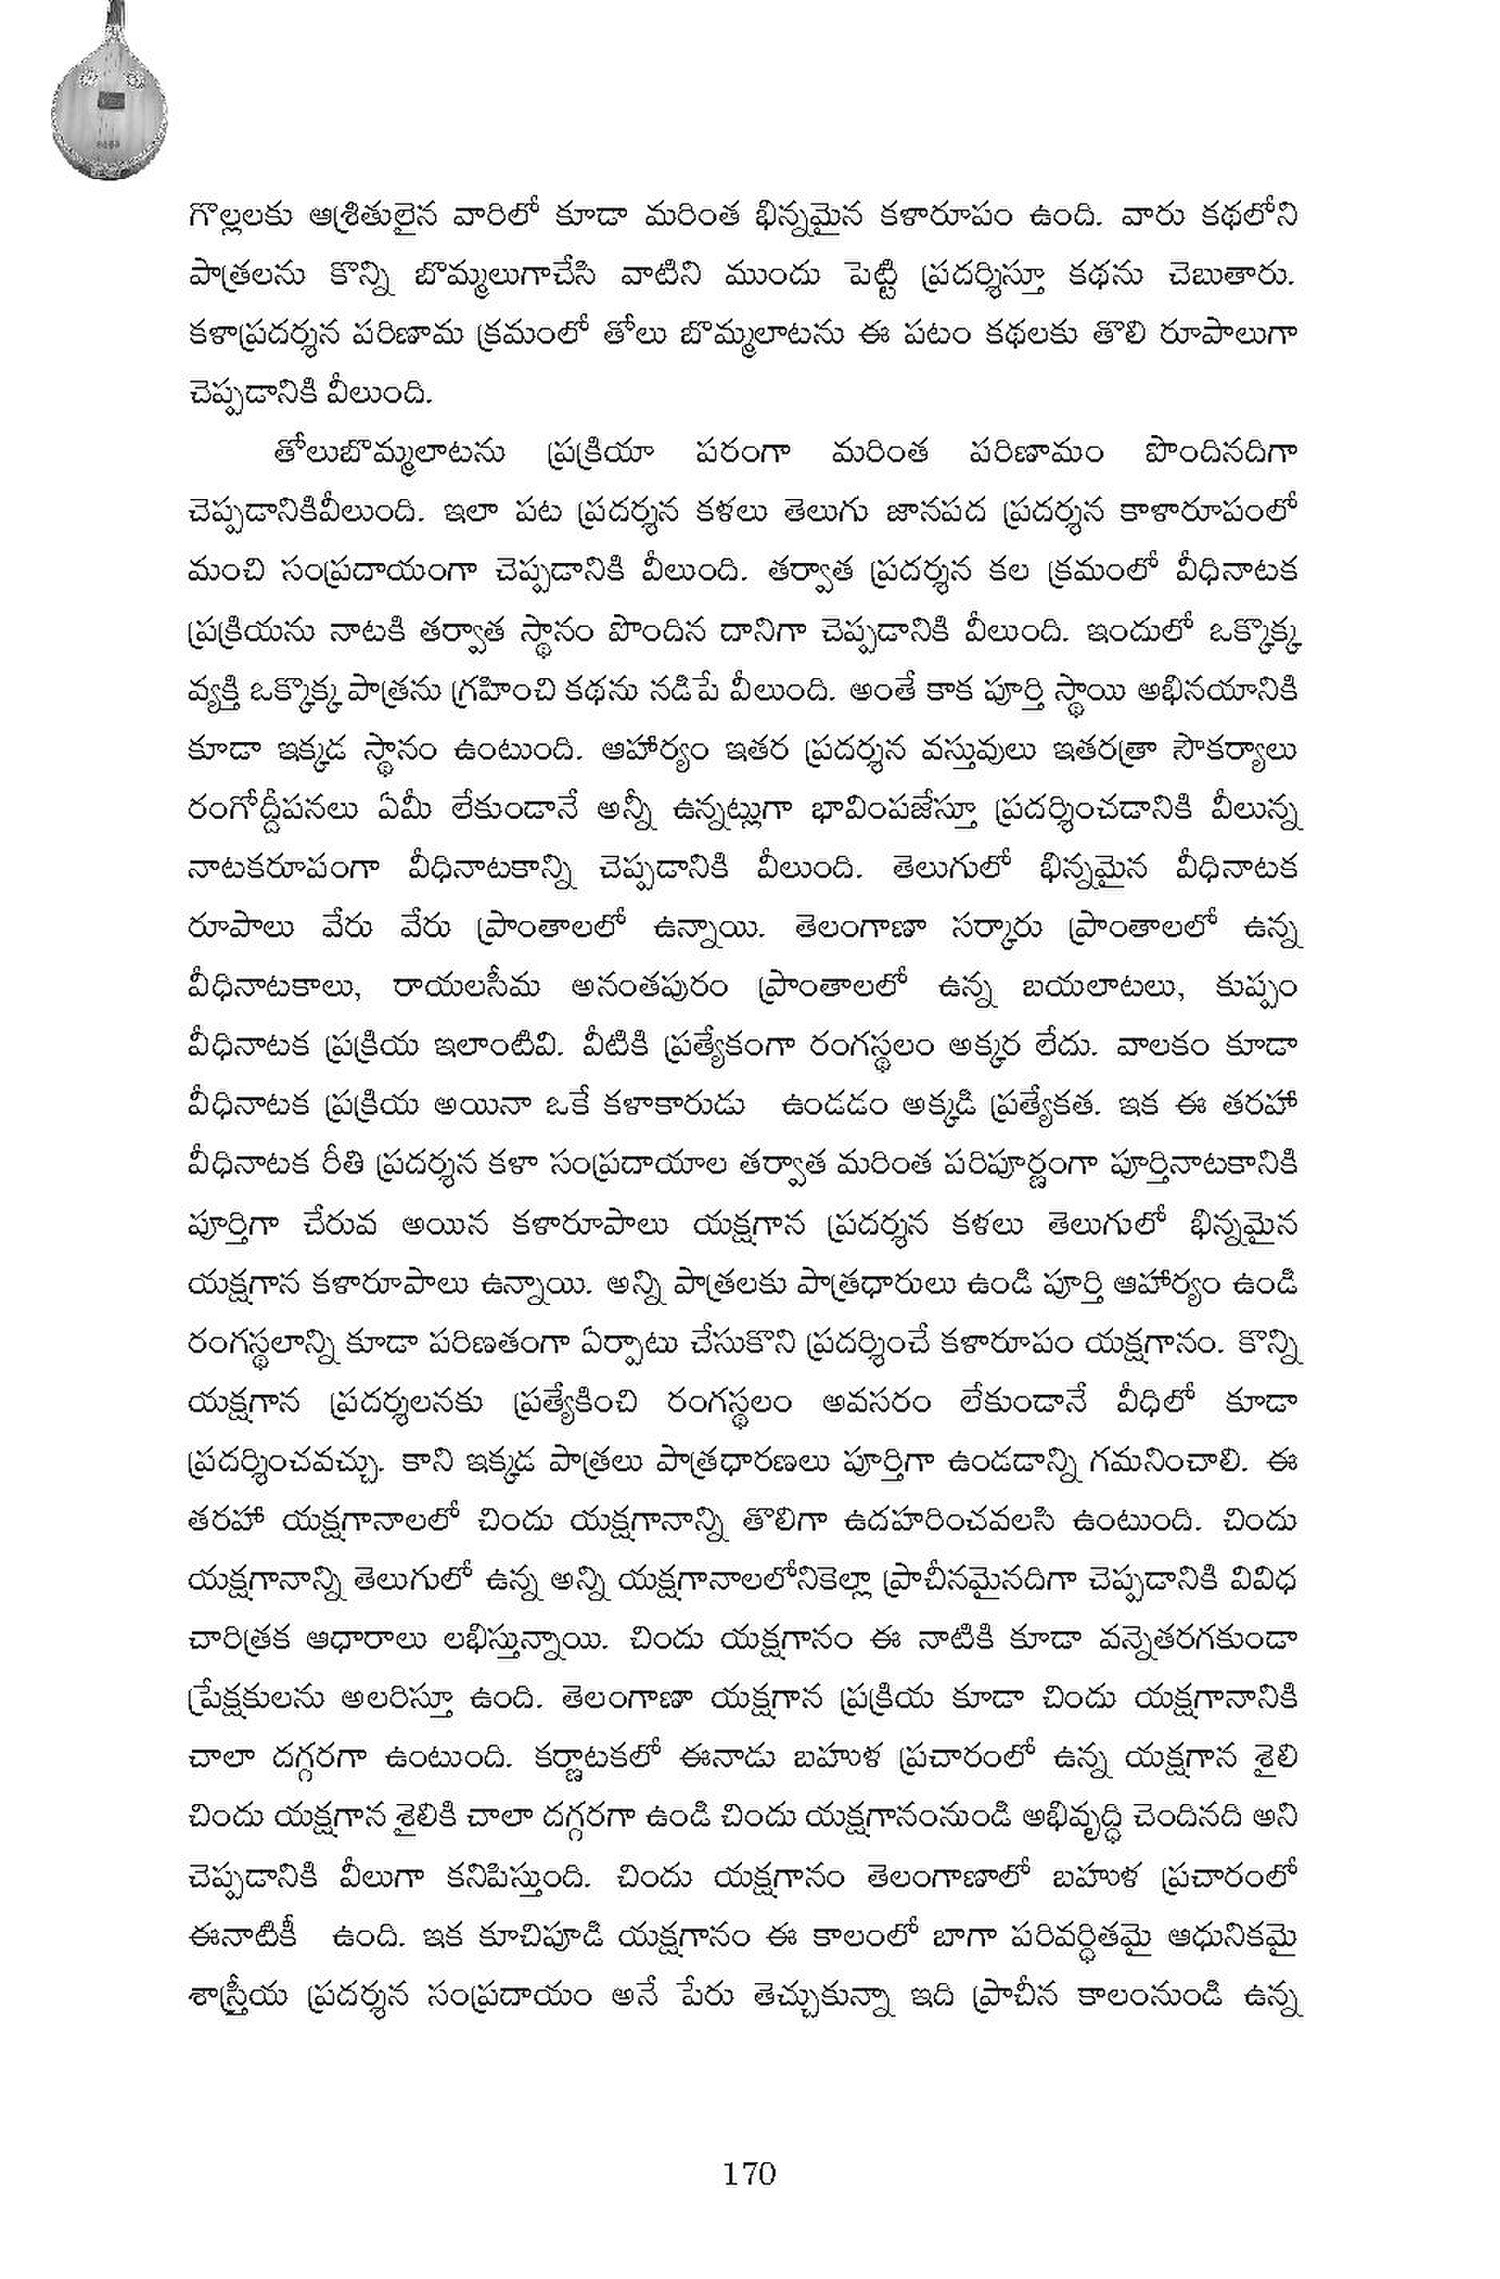గొల్లలకు ఆశ్రితులైన వారిలో కూడా మరింత భిన్నమైన కళారూపం ఉంది. వారు కథలోని పాత్రలను కొన్ని బొమ్మలుగా చేసి వాటిని ముందు పెట్టి ప్రదర్శిస్తూ కథను చెబుతారు. కళాప్రదర్శన పరిణామ క్రమంలో తోలు బొమ్మలాటను ఈ పటం కథలకు తొలి రూపాలుగా చెప్పడానికి వీలుంది.

తోలుబొమ్మలాటను ప్రక్రియా పరంగా మరింత పరిణామం పొందినదిగా చెప్పడానికి వీలుంది. ఇలా పట ప్రదర్శన కళలు తెలుగు జానపద ప్రదర్శన కాళారూపంలో మంచి సంప్రదాయంగా చెప్పడానికి వీలుంది. తర్వాత ప్రదర్శన కల క్రమంలో వీధినాటక ప్రక్రియను నాటకి తర్వాత స్థానం పొందిన దానిగా చెప్పడానికి వీలుంది. ఇందులో ఒక్కొక్క వ్యక్తి ఒక్కొక్క పాత్రను గ్రహించి కథను నడిపే వీలుంది. అంతే కాక పూర్తి స్థాయి అభినయానికి కూడా ఇక్కడ స్థానం ఉంటుంది. ఆహార్యం ఇతర ప్రదర్శన వస్తువులు ఇతరత్రా సౌకర్యాలు రంగోద్దీపనలు ఏమీ లేకుండానే అన్నీ ఉన్నట్లుగా భావింపజేస్తూ ప్రదర్శించడానికి వీలున్న నాటకరూపంగా వీధినాటకాన్ని చెప్పడానికి వీలుంది. తెలుగులో భిన్నమైన వీధినాటక రూపాలు వేరు వేరు ప్రాంతాలలో ఉన్నాయి. తెలంగాణా సర్కారు ప్రాంతాలలో ఉన్న వీధినాటకాలు, రాయలసీమ అనంతపురం ప్రాంతాలలో ఉన్న బయలాటలు, కుప్పం వీధినాటక ప్రక్రియ ఇలాంటివి. వీటికి ప్రత్యేకంగా రంగస్థలం అక్కర లేదు. వాలకం కూడా వీధినాటక ప్రక్రియ అయినా ఒకే కళాకారుడు ఉండడం అక్కడి ప్రత్యేకత. ఇక ఈ తరహా వీధినాటక రీతి ప్రదర్శన కళా సంప్రదాయాల తర్వాత మరింత పరిపూర్ణంగా పూర్తినాటకానికి పూర్తిగా చేరువ అయిన కళారూపాలు యక్షగాన ప్రదర్శన కళలు తెలుగులో భిన్నమైన యక్షగాన కళారూపాలు ఉన్నాయి. అన్ని పాత్రలకు పాత్రధారులు ఉండి పూర్తి ఆహార్యం ఉండి రంగస్థలాన్ని కూడా పరిణతంగా ఏర్పాటు చేసుకొని ప్రదర్శించే కళారూపం యక్షగానం. కొన్ని యక్షగాన ప్రదర్శలనకు ప్రత్యేకించి రంగస్థలం అవసరం లేకుండానే వీధిలో కూడా ప్రదర్శించవచ్చు. కాని ఇక్కడ పాత్రలు పాత్రధారణలు పూర్తిగా ఉండడాన్ని గమనించాలి. ఈ తరహా యక్షగానాలలో చిందు యక్షగానాన్ని తొలిగా ఉదహరించవలసి ఉంటుంది. చిందు యక్షగానాన్ని తెలుగులో ఉన్న అన్ని యక్షగానాలలోనికెల్లా ప్రాచీనమైనదిగా చెప్పడానికి వివిధ చారిత్రక ఆధారాలు లభిస్తున్నాయి. చిందు యక్షగానం ఈ నాటికి కూడా వన్నెతరగకుండా ప్రేక్షకులను అలరిస్తూ ఉంది. తెలంగాణా యక్షగాన ప్రక్రియ కూడా చిందు యక్షగానానికి చాలా దగ్గరగా ఉంటుంది. కర్ణాటకలో ఈనాడు బహుళ ప్రచారం లో ఉన్న యక్షగాన శైలి చిందు యక్షగాన శైలికి చాలా దగ్గరగా ఉండి చిందు యక్షగానంనుండి అభివృద్ధి చెందినది అని చెప్పడానికి వీలుగా కనిపిస్తుంది. చిందు యక్షగానం తెలంగాణాలో బహుళ ప్రచారంలో ఈనాటికీ ఉంది. ఇక కూచిపూడి యక్షగానం ఈ కాలంలో బాగా పరివర్థితమై ఆధునికమై శాస్త్రీయ ప్రదర్శన సంప్రదాయం అనే పేరు తెచ్చుకున్నా ఇది ప్రాచీన కాలంనుండి ఉన్న